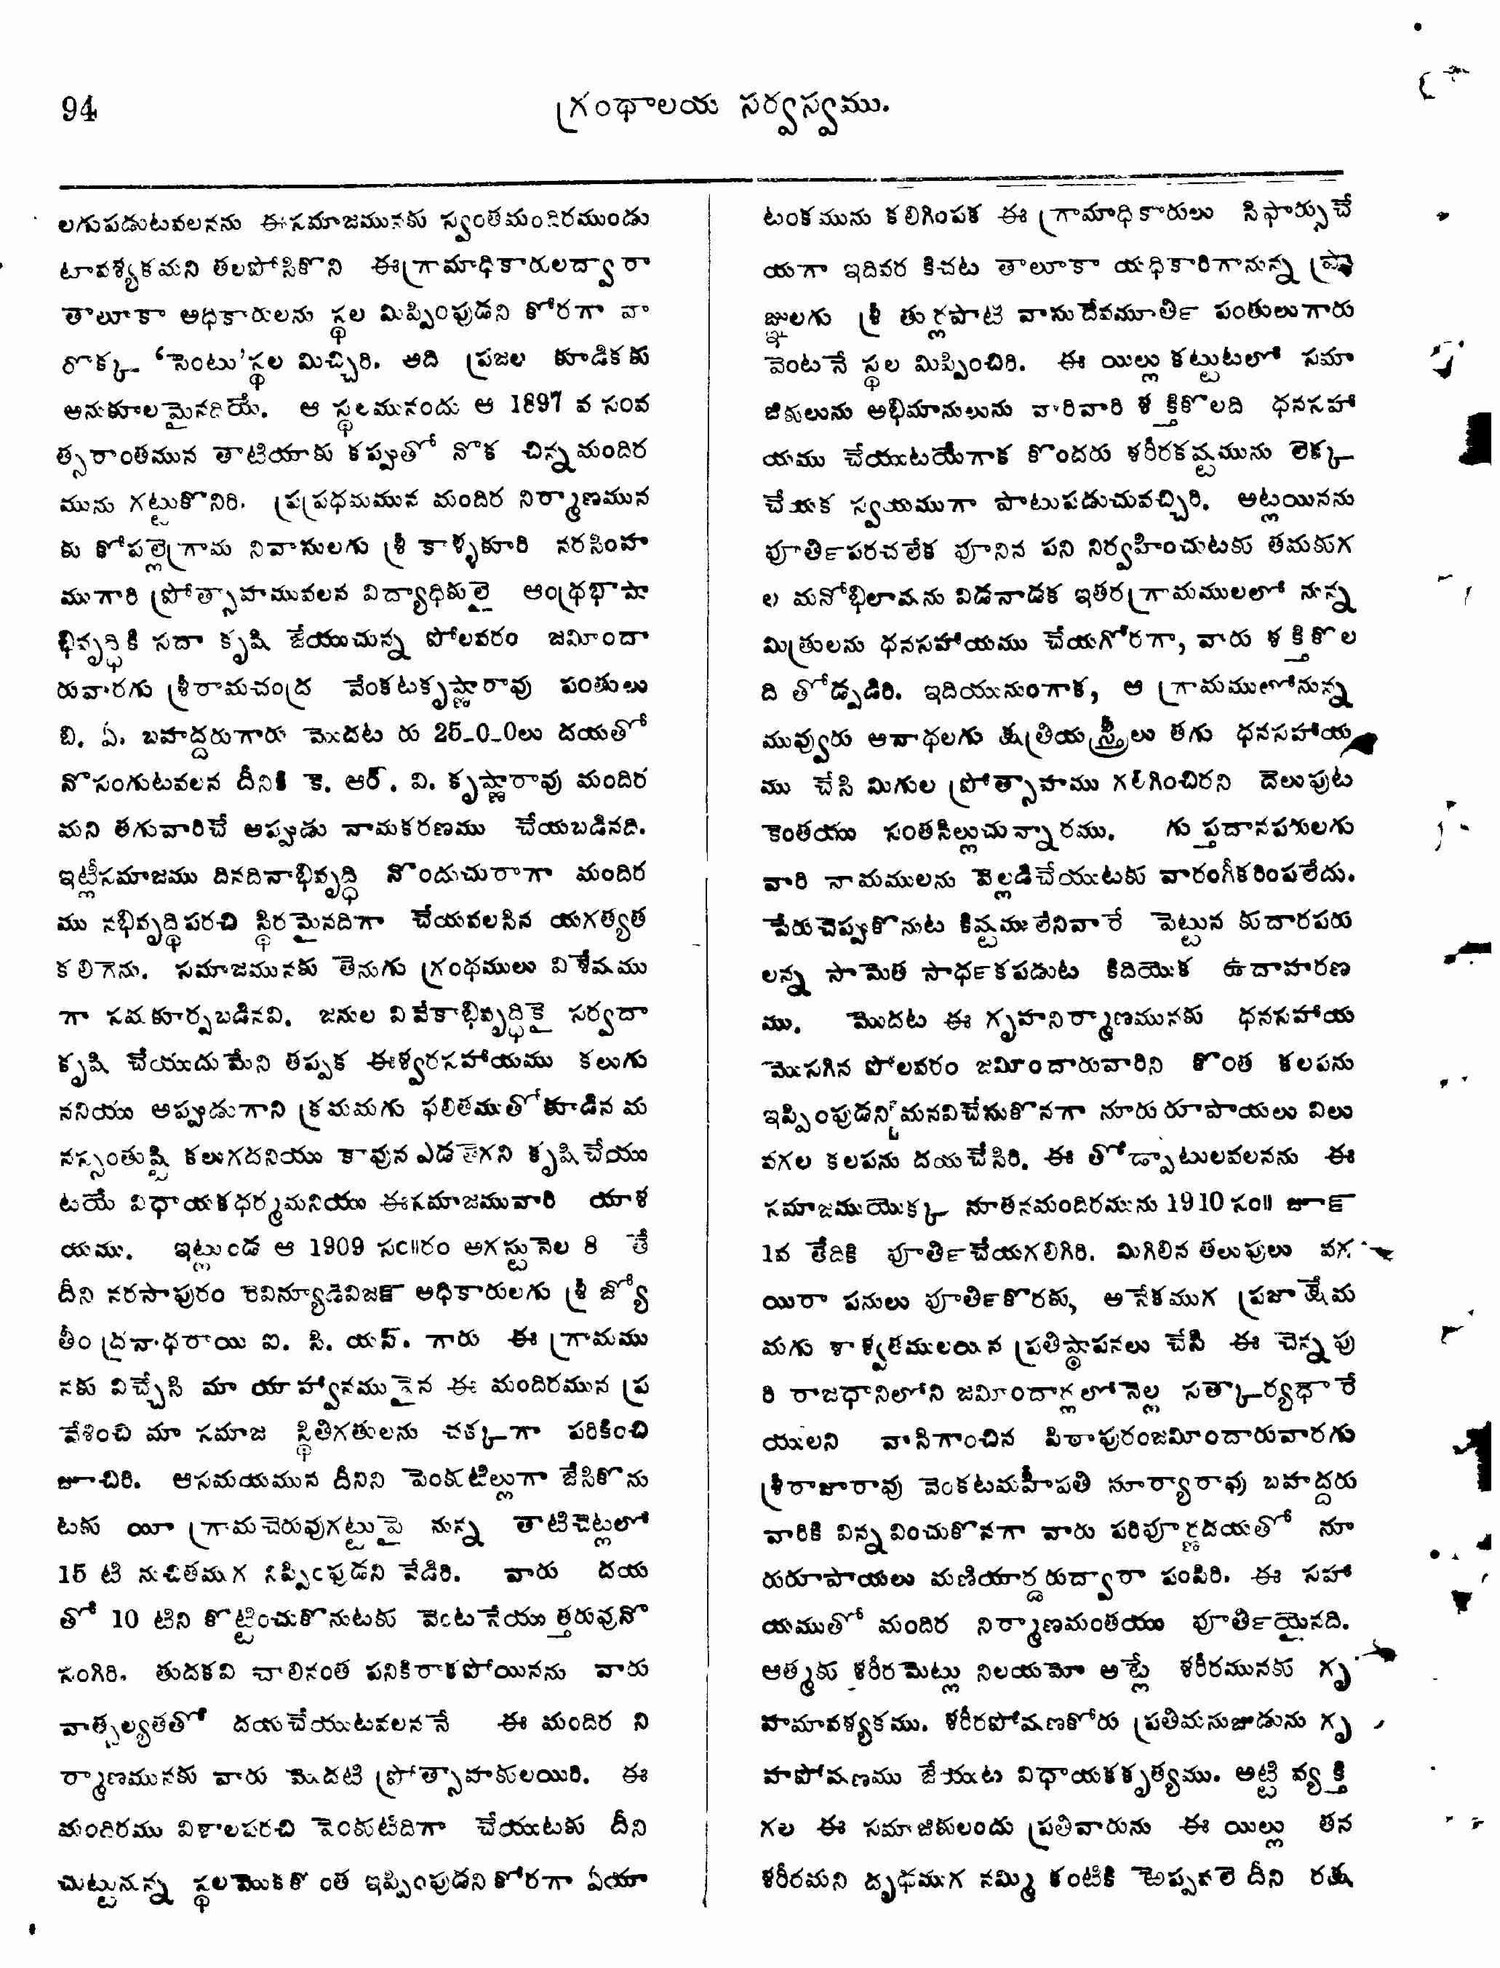లగుపడుటవలనను ఈ సమాజమునకు స్వంతమందిరముండుటావశ్యకమని తలపోసికొని ఈగ్రామాధికారులద్వారా
తాలూకా అధికారులను స్థలమిప్పింపుడని కోరగా వారొక్క 'సెంటు'స్థల మిచ్చిరి. అది ప్రజల కూడికకు అనుకూలమైనదియే. ఆ స్థలమునందు ఆ 1897వ సంవత్సరాంతమున తాటియాకు కప్పుతో నొక చిన్న మందిరమును గట్టుకొనిరి. ప్రప్రధమమున మందిర నిర్మాణమునకు కోపల్లెగ్రామ నివాసులగు శ్రీ కాళ్ళకూరి నరసింహముగారి ప్రోత్సాహమువలన విద్యాధికులై ఆంధ్రభాషాభివృద్ధికి సదా కృషి జేయుచున్న పోలవరం జమీందారువారగు శ్రీరామచంద్ర వేంకటకృష్ణారావు పంతులు
బి.ఏ. బహద్దరుగారు మొదట రు 25_0_0లు దయతో నొసంగుటవలన దీనికి కె.ఆర్.వి. కృష్ణారావు మందిరమని తగువారిచే అప్పుడు నామకరణము చేయబడినది. ఇట్లీసమాజము దినదినాభివృద్ధి నొందుచురాగా మందిరము నభివృద్ధి పరచి స్థిరమైనదిగా చేయవలసిన యగత్యత
కలిగెను. సమాజమునకు తెనుగు గ్రంథములు విశేషముగా సమకూర్పబడినవి. జనుల వివేకాభివృద్ధికై సర్వదాకృషి చేయుదుమేని తప్పక ఈశ్వరసహాయము కలుగుననియు అప్పుడు గాని క్రమమగు ఫలితముతో కూడిన మనస్సంతుష్టి కలుగదనియు కావున ఎడతెగని కృషిచేయుటయే విధాయకధర్మమనియు ఈ సమాజము వారి యాశయము. ఇట్లుండ ఆ 1909 సం॥రం ఆగస్టు నెల 8 తేదీని నరసాపురం రెవిన్యూ డివిజక్షా అధికారులగు శ్రీ జ్యోతీంద్రనాధరాయి ఐ.సి.యస్. గారు ఈ గ్రామమునకు విచ్చేసి మా యాహ్వానముపైన ఈ మందిరమున ప్రవేశించి మా సమాజ స్థితిగతులను చక్కగా పరికించి ఆసమయమున దీనిని పెంకుటిల్లుగా జేసికొనుటకు యీ గ్రామ చెరువుగట్టుపై నున్న తాటి చెట్లలో 15 టి నుచితమగ నిప్పిఁపుడని వేడిరి. వారు
దయతో 10 టిని కొట్టించుకొనుటకు వెంటనే యుత్తరువునొసంగిరి, తుదకవి చాలినంత పనికిరాకపోయినను వారు వాత్సల్యతతో దయ చేయుటవలననే
ఈ మందిర నిర్మాణమునకు వారు మొదటి ప్రోత్సాహకులయిరి. ఈ
మందిరము విశాలపరచి పెంకుటిదిగా చేయుటకు దీని
చుట్టునున్న స్థలమొక్కంత ఇప్పింపుడని కోరగా ఏయాటంకమును కలిగింపక ఈ గ్రామాధికారులు సిఫార్సుచేయగా ఇదివర కిచట తాలూకా యధికారిగా నున్న ప్రాఙ్ఞలగు శ్రీ తుర్లపాటి వాసుదేవమూతి౯ పంతులు గారు వెంటనే స్థలమిప్పించిరి. ఈ యిల్లు కట్టుటలో సమాజికులును అభిమానులును వారివారి శక్తి కొలది ధనసహాయము చేయుటయేగాక కొందరు శరీరకష్టమును లెక్క
చేయక స్వయముగా పాటుపడుచువచ్చిరి. అట్లయినను
పూతి౯ పరచలేక పూనిన పని నిర్వహించుటకు తమకుగల మనోభిలాషను విడనాడక ఇతర గ్రామములలో నున్న
మిత్రులను ధనసహాయము చేయగోరగా, వారు శక్తికొలది తోడ్పడిరి. ఇదియునుంగాక, ఆ గ్రామములోనున్న
మువ్వురు ఆనాధలగు క్షత్రియ స్త్రీలు తగు ధనసహాయము చేసి మిగుల ప్రోత్సాహము గలిగించిరని దెలుపుటకెంతయు సంతసిల్లుచున్నారము. గుప్తదానపరులగు
వారి నామములను వెల్లడిచేయుటకు వారంగీకరింపలేదు.
పేరుచెప్పుకొనుట కిష్టము లేనివారే పెట్టున కుదార పరులన్న సామెత సాధ౯కపడుట కిదియొక ఉదాహరణము, మొదట ఈ గృహనిర్మాణమునకు ధనసహాయమొసగిన పోలవరం జమీందారువారిని కొంత కలపను
ఇప్పింపుడని మనవిచేసుకొనగా నూరు రూపాయలు విలువగల కలపను దయచేసిరి. ఈ తోడ్పాటులవలనను ఈ సమాజము యొక్క నూతన మందిరమును 1910 సం॥ జూ౯
1వ తేదికి పూతి౯ చేయగలిగిరి. మిగిలిన తలుపులు వగయిరా పనులు పూతి౯కొరకు, అనేకముగ ప్రజాక్షేమమగు శాశ్వతములలున ప్రతిష్ఠాపనలు చేసి ఈ చెన్నపురి రాజధానిలోని జమీందార్లలో నెల్ల సత్కార్యధౌరేయులని వాసిగాంచిన పిఠాపురంజమీందారు వారగు
శ్రీరాజారావు వెంకటమహీపతి సూర్యారావు బహద్దరు
వారికి విన్నవించుకొనగా వారు పరిపూర్ణదయతో నూరురూపాయలు మణియార్డరుద్వారా పంపిరి. ఈ సహాయముతో మందిర నిర్మాణమంతయు పూతి౯యైనది.
ఆత్మకు శరీరమెట్లు నిలయమో అట్లే శరీరమునకు గృహమావశ్యకము. శరీరపోషణకోరు ప్రతిమనుజుడును గృహపోషణము జేయుట విధాయకకృత్యము. అట్టి వ్యక్తి
గల ఈ సమాజికులందు ప్రతివారును ఈ యిల్లు తన
శరీరమని దృఢముగ నమ్మి కంటికి చెప్పవలె దీని రక్ష